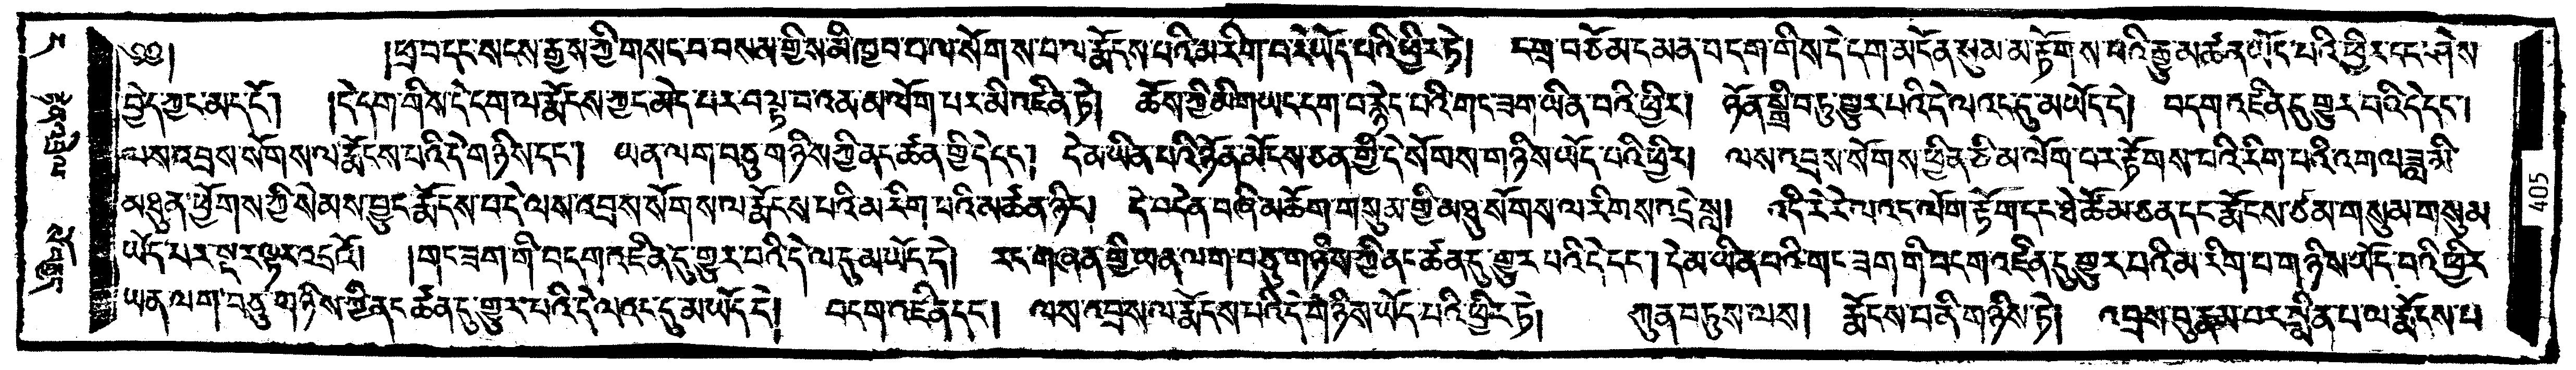༄༅། །ཕྲ་བ་དང་སངས་རྒྱས་ཀྱི་གསང་བ་བསམ་གྱིས་མི་ཁྱབ་བ་ལ་སོགས་པ་ལ་རྨོངས་པའི་མ་རིག་པ་རེ་ཡོད་པའི་ཕྱིར་ཏེ། དགྲ་བཅོམ་དམན་བདག་གིས་དེ་དག་མངོན་སུམ་མ་རྟོགས་པའི་རྒྱུ་མཚན་ཡོད་པའི་ཕྱིར་དང་ཤེས་
བྱེད་ཀྱང་མེད་དོ། །དེ་དག་གིས་དེ་དག་ལ་རྨོངས་ཀྱང་མེད་པར་བལྟ་བ་འམ་མ་ལོག་པར་མི་འཛིན་ཏེ། ཆོས་ཀྱི་མིག་ཡང་དག་བརྙེད་པའི་གང་ཟག་ཡིན་པའི་ཕྱིར། ཉོན་སྒྲིབ་ཏུ་གྱུར་པའི་དེ་ལ་འང་དུ་མ་ཡོད་དེ། བདག་འཛིན་དུ་གྱུར་པའི་དེ་དང་།
ལས་འབྲས་སོགས་ལ་རྨོངས་པའི་དེ་གཉིས་དང་། ཡན་ལག་བཅུ་གཉིས་ཀྱི་ནང་ཚན་གྱི་དེ་དང་། དེ་མ་ཡིན་པའི་ཉོན་མོངས་ཅན་གྱི་དེ་སོགས་གཉིས་ཡོད་པའི་ཕྱིར། ལས་འབྲས་སོགས་ཕྱིན་ཅི་མ་ལོག་པར་རྟོགས་པའི་རིག་པའི་འགལ་ཟླ་མི་
མཐུན་ཕྱོགས་ཀྱི་སེམས་བྱུང་རྨོངས་པ་དེ་ལས་འབྲས་སོགས་ལ་རྨོངས་པའི་མ་རིག་པའི་མཚན་ཉིད། དེ་བདེན་བཞི་མཆོག་གསུམ་གྱི་མཐུ་སོགས་ལ་རིགས་འདྲེ་སླ། འདི་རེ་རེ་ལའང་ལོག་རྟོག་དང་ཐེ་ཚོམ་ཅན་དང་རྨོངས་ཙམ་གསུམ་གསུམ་
ཡོད་པར་སྔར་ལྟར་འདྲའོ། །གང་ཟག་གི་བདག་འཛིན་དུ་གྱུར་པའི་དེ་ལ་དུ་མ་ཡོད་དེ། རང་གཞན་གྱི་ཡན་ལག་བཅུ་གཉིས་ཀྱི་ནང་ཚན་དུ་གྱུར་པའི་དེ་དང་། དེ་མ་ཡིན་པའི་གང་ཟག་གི་བདག་འཛིན་དུ་གྱུར་པའི་མ་རིག་པ་གཉིས་ཡོད་པའི་ཕྱིར་
ཡན་ལག་བཅུ་གཉིས་ཀྱི་ནང་ཚན་དུ་གྱུར་པའི་དེ་ལའང་དུ་མ་ཡོད་དེ། བདག་འཛིན་དང་། ལས་འབྲས་ལ་རྨོངས་པའི་དེ་གཉིས་ཡོད་པའི་ཕྱིར་ཏེ། ཀུན་བཏུས་ལས། རྨོངས་པ་ནི་གཉིས་ཏེ། འབྲས་བུ་རྣམ་པར་སྨིན་པ་ལ་རྨོངས་པ་